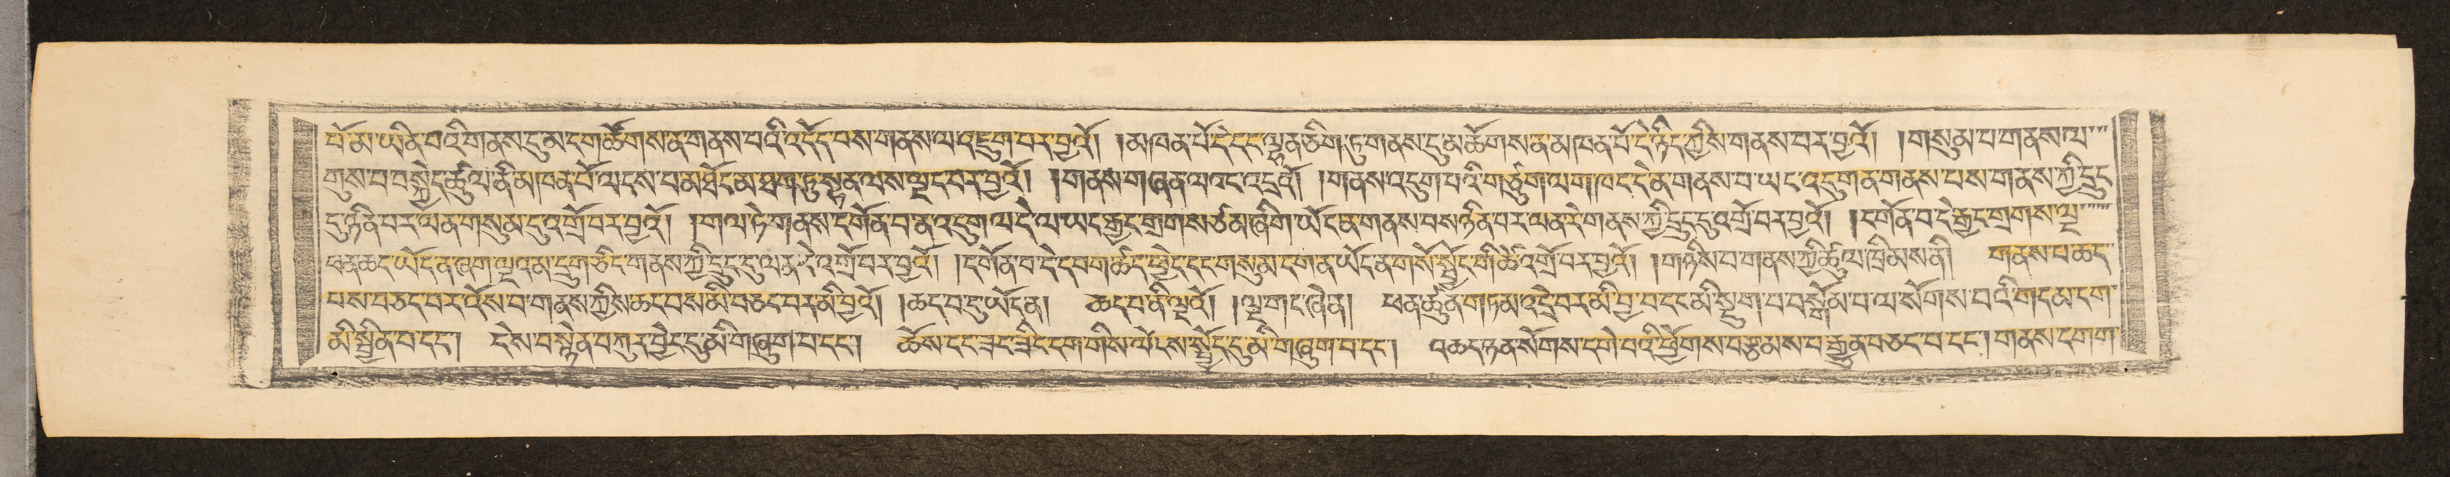པོ་མ་ཡིན་པའི་གནས་དུ་མ་དག་ཚོགས་ན་གནས་པའི་འདོད་པས་གནས་ལ་འཇུག་པར་བྱའོ། །མཁན་པོ་དེ་རང་ལྷན་ཅིག་ཏུ་གནས་དུ་མ་ཚོགས་ན་མཁན་པོ་དེ་ཉིད་ཀྱིས་གནས་པར་བྱའོ། །གསུམ་པ་གནས་ལ་
གུས་པ་བསྐྱེད་ཚུལ་ནི་མཁན་པོ་ལངས་པ་མཐོང་མ་ཐག་ཏུ་སྟན་ལས་ལྡང་བར་བྱའོ། །གནས་གཞན་ལའང་འདྲའོ། །གནས་འདུག་པའི་གཙུག་ལག་ཁང་དེ་ན་གནས་པ་ཡང་འདུག་ན་གནས་པས་གནས་ཀྱི་དྲུང་
དུ་ཉིན་པར་ལན་གསུམ་དུ་འགྲོ་བར་བྱའོ། །གལ་ཏེ་གནས་དགོན་པ་ན་འདུག་ལ་དེ་ལ་ཡང་རྒྱང་གྲགས་ཙམ་ཞིག་ཡོད་ན་གནས་པས་ཉིན་པར་ལན་རེ་གནས་ཀྱི་དྲུང་དུ་འགྲོ་བར་བྱའོ། །དགོན་པ་དེ་རྒྱང་གྲགས་ལྔ་
ཕན་ཆང་ཡོད་ན་ཞག་ལྔའམ་དྲུག་ཅིང་གནས་ཀྱི་དྲུང་དུ་ལན་རེ་འགྲོ་བར་བྱའོ། །དགོན་པ་དེ་དཔག་ཚད་ཕྱེད་དང་གསུམ་དག་ན་ཡོད་ན་གསོ་སྦྱོང་གི་ཚེ་འགྲོ་བར་བྱའོ། །གཉིས་པ་གནས་ཀྱི་ཚུལ་ཁྲིམས་ནི། གནས་པ་ཆད་
པས་བཅད་པར་འོས་པ་གནས་ཀྱིས་ཆད་པས་མི་བཅད་པར་མི་བྱའོ། །ཆད་པ་དུ་ཡོད་ན། ཆད་པ་ནི་ལྔའོ། །ལྔ་གང་ཞེ་ན། ཕན་ཚུན་གཏམ་འདྲེ་བར་མི་བྱ་བ་དང་མི་སྡུག་པ་བསྒོམ་པ་ལ་སོགས་པའི་གདམ་ངག་
མི་སྦྱིན་པ་དང་། དེས་བསྙེན་བཀུར་བྱེད་དུ་མི་གཞུག་པ་དང་། ཆོས་དང་ཟང་ཟིང་དག་གིས་ལོངས་སྤྱོད་དུ་མི་གཞུག་པ་དང་། འཆད་ཉན་སོགས་དགེ་བའི་ཕྱོགས་བརྩམས་བ་རྒྱུན་བཅད་པ་དང་། གནས་དགག་